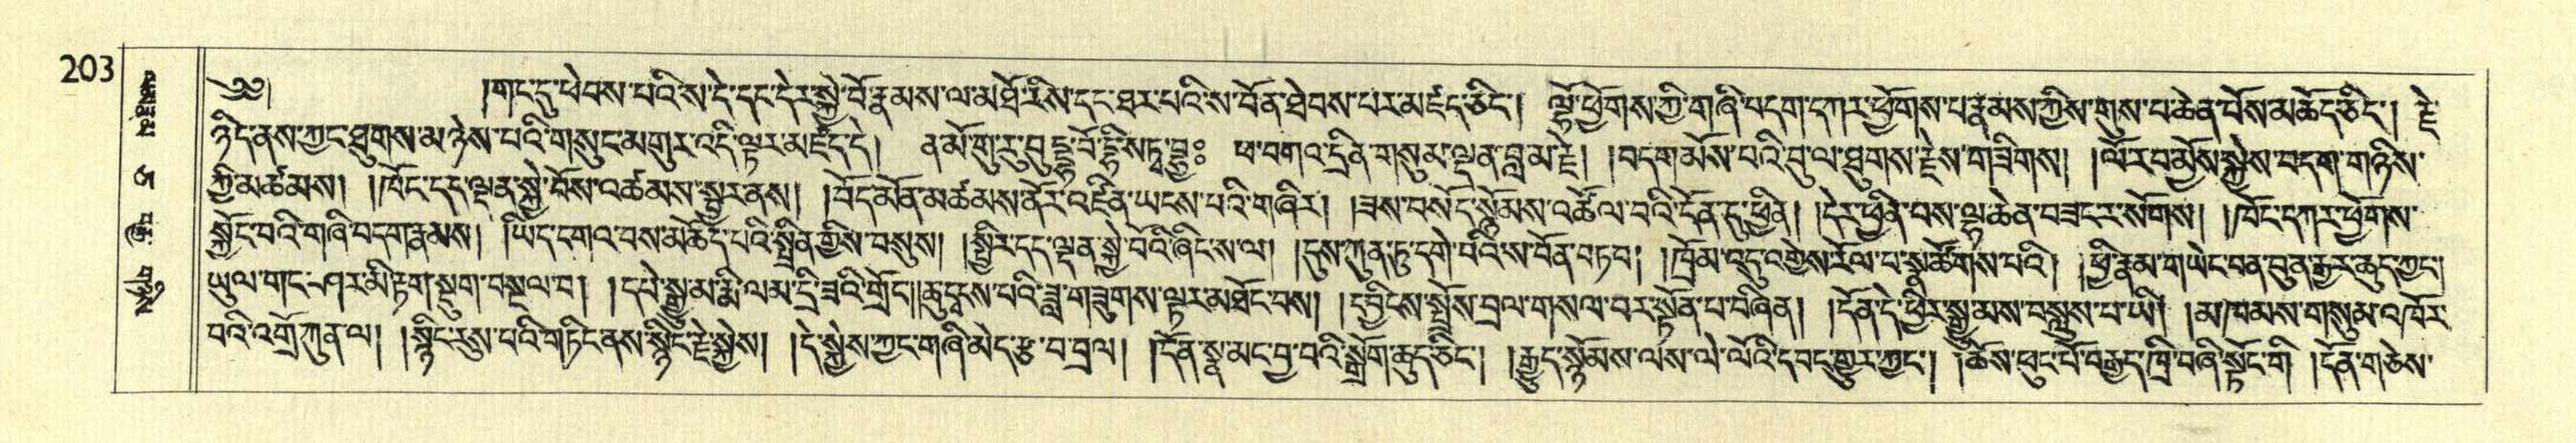༄༅། །གང་དུ་ཕེབས་པའི་ས་དེ་དང་དེར་སྐྱེ་བོ་རྣམས་ལ་མཐོ་རིས་དང་ཐར་པའི་ས་བོན་ཐེབས་པར་མཛད་ཅིང་། ལྷོ་ཕྱོགས་ཀྱི་གཞི་བདག་དཀར་ཕྱོགས་པ་རྣམས་ཀྱིས་གུས་པ་ཆེན་པོས་མཆོད་ཅིང་། རྗེ་
ཉིད་ནས་ཀྱང་ཐུགས་མཉེས་པའི་གསུང་མགུར་འདི་ལྟར་མཛོད་དེ། ན་མོ་གུ་རུ་བུདྡྷ་བོ་དྷི་སཏྭ་བྷྱཿ ཕ་བགའ་དྲིན་གསུམ་ལྡན་བླ་མ་རྗེ། །བདག་མོས་པའི་བུ་ལ་ཐུགས་རྗེས་གཟིགས། །ལོ་རབ་མྱོས་སྐྱེས་བདག་གཉིས་
ཀྱི་མཚམས། །ཁོང་དང་ལྡན་སྐྱེ་བོས་འཚམས་སྦྱར་ནས། །བོད་མོན་མཚམས་ནོར་འཛིན་ཡངས་པའི་གཞིར། །ཟས་བསོད་སྙོམས་འཚོལ་བའི་དོན་དུ་ཕྱིན། །དེར་ཕྱིན་བས་ལྷ་ཆེན་བཟང་ར་སོགས། །ཁོང་དཀར་ཕྱོགས་
སྐྱོང་བའི་གཞི་བདག་རྣམས། །ཡིད་དགའ་བས་མཆོད་པའི་སྤྲིན་གྱིས་བསུས། །སྤྱིར་དད་ལྡན་སྐྱེ་བོའི་ཞིང་ས་ལ། །དུས་ཀུན་ཏུ་དགེ་བའི་ས་བོན་བཏབ། །ཁྲོམ་འདུ་འགྱེས་རོལ་བ་སྣ་ཚོགས་པའི། །ཕྱི་རྣམ་གཡེང་བན་བུན་རྒྱར་ཆུད་ཀྱང་།
ཡུལ་གང་ཤར་མི་རྟག་སྡུག་བསྔལ་བ། །དཔེ་སྒྱུ་མ་རྨི་ལམ་དྲི་ཟའི་གྲོང་། །ཆུ་དྭངས་པའི་ཟླ་གཟུགས་ལྟར་མཐོང་བས། །དབྱིངས་སྤྲོས་བྲལ་གསལ་བར་སྟོན་པ་བཞིན། །དོན་དེ་ཕྱིར་སྒྱུ་མས་བསླུས་པ་ཡི། །མ་ཁམས་གསུམ་འཁོར་
བའི་འགྲོ་ཀུན་ལ། །སྙིང་རུས་པའི་གཏིང་ནས་སྙིང་རྗེ་སྐྱེས། །དེ་སྐྱེས་ཀྱང་གཞི་མེད་རྩ་བ་བྲལ། །དོན་སྣ་མང་བྱ་བའི་སྒྲོག་ཆུད་ཅིང་། །རྒྱུད་སྙོམས་ལས་ལེ་ལོའི་དབང་གྱུར་ཀྱང་། །ཆོས་ཕུང་པོ་བརྒྱད་ཁྲི་བཞི་སྟོང་གི །དོན་གཅེས་